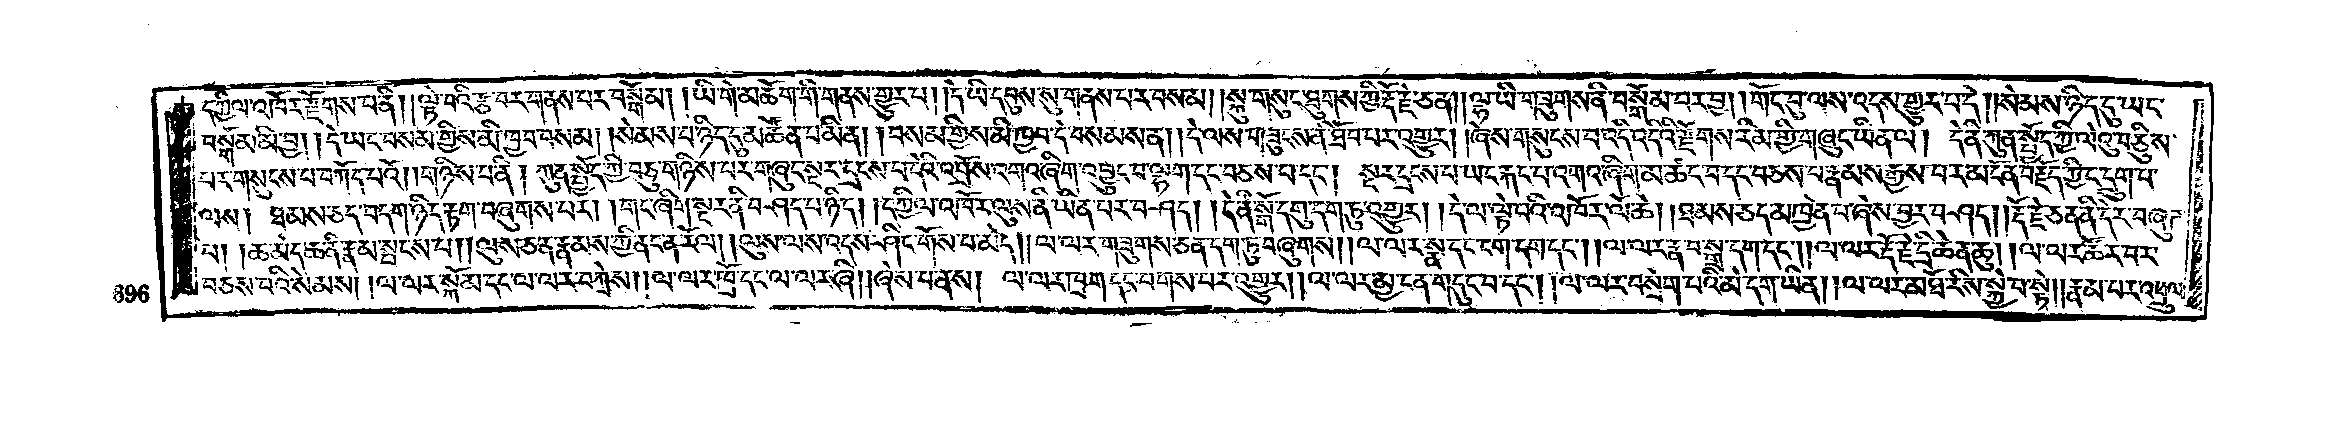དཀྱིལ་འཁོར་རྫོགས་པ་ནི། །ལྟེ་བའི་རྩ་བར་གནས་པར་བསྒོམ། །ཡེ་གེ་མཆོག་གི་གནས་གྱུར་པ། །དེ་ཡི་དབུས་སུ་གནས་པར་བསམ། །སྐུ་གསུང་ཐུགས་ཀྱི་རྡོ་རྗེ་ཅན། །ལྷ་ཡི་གཟུགས་ནི་བསྒོམ་པར་བྱ། །གོང་བུ་ལས་འདས་གྱུར་པ་དེ། །སེམས་ཉིད་དུ་ཡང་
བསྒོམ་མི་བྱ། །དེ་ཡང་བསམ་གྱིས་མི་ཁྱབ་བསམ། །སེམས་པ་ཉིད་དུ་མཚོན་པ་མིན། །བསམ་གྱིས་མི་ཁྱབ་དེ་བསམས་ན། །དེ་ལས་གཟུངས་ནི་ཐོབ་པར་འགྱུར། །ཞེས་གསུངས་བ་འདི་འདིའི་རྫོགས་རིམ་གྱི་གཞུང་ཡིན་ལ། དེ་ནི་ཀུན་སྤྱོད་ཀྱི་ལེའུ་བཅུ་གཉིས་
པར་གསུངས་པ་བཀོད་པའོ། །གཉིས་པ་ནི། ཀུན་སྤྱོད་ཀྱི་བཅུ་གཉིས་པར་གཞུང་སྔར་དྲངས་པ་དེའི་འཕྲོས་འགའ་ཞིག་འབྱུང་བ་ལྷག་དང་བཅས་པ་དང་། སྔར་དྲངས་པ་ཡང་རྐང་པ་འགའ་ཞིག་མ་ཚང་བ་དང་བཅས་པ་རྣམས་རྒྱས་པར་མངོན་བརྗོད་ཀྱི་ང་དྲུག་པ་
ལས། ཐམས་ཅད་བདག་ཉིད་རྟག་བཞུགས་པར། །གང་ཞིག་སྔར་ནི་བཤད་པ་ཉིད། །དཀྱིལ་འཁོར་ལུས་ནི་ཡིན་པར་བཤད། །དེ་ནི་སྒོ་དགུ་དག་ཏུ་འགྱུར། །དེ་ལ་ལྟེ་པའི་འཁོར་ལོ་ཆེ། །ཐམས་ཅད་མཁྱེན་པ་ཞེས་བྱར་བཤད། །རྡོ་རྗེ་ཅན་ནི་དེར་བཞུགས་
པ། །ཆ་མེད་ཆ་ནི་རྣམ་སྤངས་པ། །ལུས་ཅན་རྣམས་ཀྱི་ནང་ན་རོལ། །ལུས་ལས་འདས་ཤིང་གོས་པ་མེད། །ལ་ལར་གཟུགས་ཅན་དག་ཏུ་བཞུགས། །ལ་ལར་སྣ་དང་ངག་དག་དང་། །ལ་ལར་རྣ་བ་སྒྲ་དག་དང་། །ལ་ལར་རྡོ་རྗེ་དྲི་ཆེན་ཆུ། །ལ་ལར་ཚོར་བར་
བཅས་པའི་སེམས། །ལ་ལར་སྒོམ་དང་ལ་ལར་བཀྲེས། །ལ་ལར་ཁྲོ་དང་ལ་ལར་ཞི། །ཞེས་པ་ནས། ལ་ལར་ཁྲག་དང་པགས་པར་འགྱུར། །ལ་ལར་མྱ་ངན་གདུང་བ་དང་། །ལ་ལར་བསྲེག་པའི་མེ་དག་ཡིན། །ལ་ལར་མཐོ་རིས་སྐྱེ་བ་སྟེ། །རྣམ་པར་འཕྲུལ་